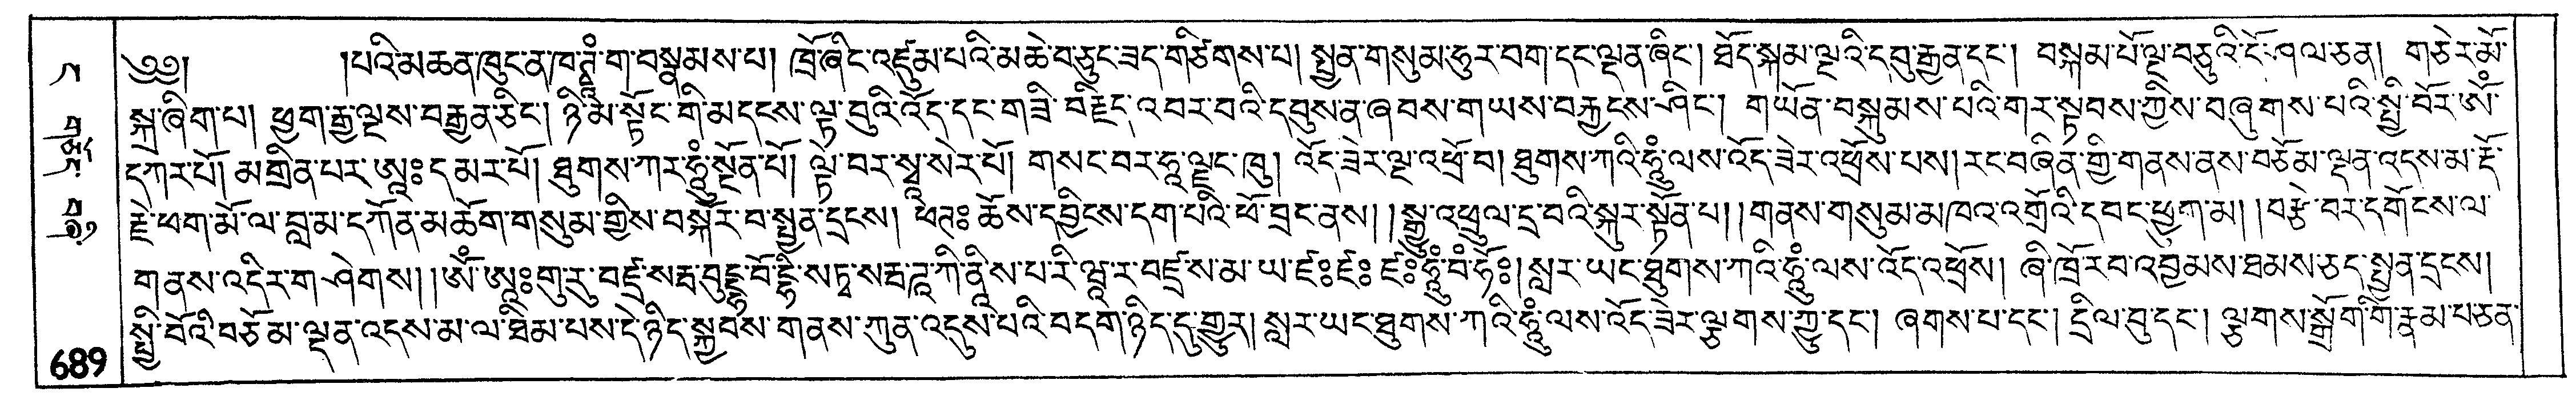༄༅། །པའི་མཆན་ཁུང་ན་ཁ་ཊྭཱཾ་ག་བསྣམས་པ། ཁྲོ་ཞིང་འཛུམ་པའི་མཆེ་བ་ཅུང་ཟད་གཙིགས་པ། སྤྱན་གསུམ་ཧུར་བག་དང་ལྡན་ཞིང་། ཐོད་སྐམ་ལྔའི་དབུ་རྒྱན་དང་། བསྐམ་པོ་ལྔ་བཅུའི་དོ་ཤལ་ཅན། གཅེར་མོ་
སྐྲ་ཞིག་པ། ཕྱག་རྒྱ་ལྔས་བརྒྱན་ཅིང་། ཉི་མ་སྟོང་གི་མདངས་ལྟ་བུའི་འོད་དང་གཟི་བརྗིད་འབར་བའི་དབུས་ན་ཞབས་གཡས་བརྐྱངས་ཤིང་། གཡོན་བསྐུམས་པའི་གར་སྟབས་ཀྱིས་བཞུགས་པའི་སྤྱི་བོར་ཨོཾ་
དཀར་པོ། མགྲིན་པར་ཨཱཿ དམར་པོ། ཐུགས་ཀར་ཧཱུཾ་སྔོན་པོ། ལྟེ་བར་སྭཱ་སེར་པོ། གསང་བར་ཧཱ་ལྗང་ཁུ། འོད་ཟེར་ལྔ་འཕྲོ་བ། ཐུགས་ཀའི་ཧཱུཾ་ལས་འོད་ཟེར་འཕྲོས་པས། རང་བཞིན་གྱི་གནས་ནས་བཅོམ་ལྡན་འདས་མ་རྡོ་
རྗེ་ཕག་མོ་ལ་བླ་མ་དཀོན་མཆོག་གསུམ་གྱིས་བསྐོར་བ་སྤྱན་དྲངས། ཕཊཿ ཆོས་དབྱིངས་དག་པའི་ཕོ་བྲང་ནས། །སྒྱུ་འཕྲུལ་དྲ་བའི་སྐུར་སྟོན་པ། །གནས་གསུམ་མཁའ་འགྲོའི་དབང་ཕྱུག་མ། །བརྩེ་བར་དགོངས་ལ་
གནས་འདིར་གཤེགས། །ཨོཾ་ཨཱཿ གུ་རུ་བཛྲ་སརྦ་བུདྡྷ་བོ་དྷི་སཏྭ་སརྦ་ཌཱ་ཀི་ནཱི་ས་པ་རི་ཝཱ་ར་བཛྲ་ས་མ་ཡ་ཛཿ ཛཿ ཛཿ ཧཱུཾ་བཾ་ཧོཿ། སླར་ཡང་ཐུགས་ཀའི་ཧཱུཾ་ལས་འོད་འཕྲོས། ཞི་ཁྲོ་རབ་འབྱམས་ཐམས་ཅད་སྤྱན་དྲངས།
སྤྱི་བོའི་བཅོམ་ལྡན་འདས་མ་ལ་ཐིམ་པས་དེ་ཉིད་སྐྱབས་གནས་ཀུན་འདུས་པའི་བདག་ཉིད་དུ་གྱུར། སླར་ཡང་ཐུགས་ཀའི་ཧཱུཾ་ལས་འོད་ཟེར་ལྕགས་ཀྱུ་དང་། ཞགས་པ་དང་། དྲིལ་བུ་དང་། ལྕགས་སྒྲོག་གི་རྣམ་པ་ཅན་